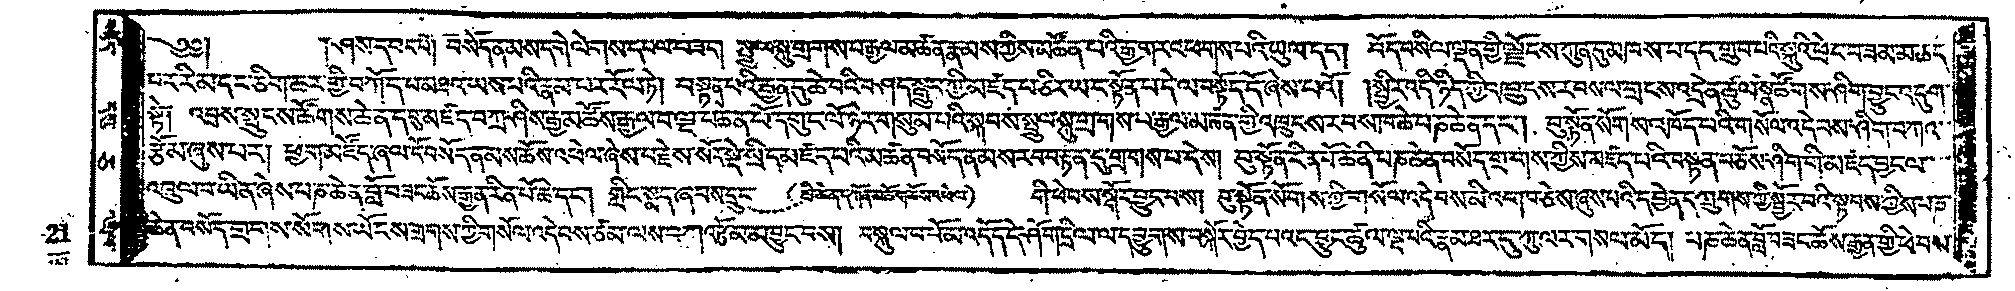༄༅། །ཤས་དབང་པོ། བསོད་ནམས་དགེ་ལེགས་དཔལ་བཟང་། སྤྲུལ་སྐུ་གྲགས་པ་རྒྱལ་མཚན་རྣམས་ཀྱིས་མཚོན་པའི་རྒྱ་གར་འཕགས་པའི་ཡུལ་དང་། བོད་བསིལ་ལྡན་གྱི་ལྗོངས་ཀུན་དུ་མཁས་པ་དང་གྲུབ་པའི་སྐུའི་ཕྲེང་བ་ཟམ་མ་ཆད་
པར་རིམ་དང་ཅིག་ཆར་གྱི་བཀོད་པ་མཐའ་ཡས་པའི་རྣམ་པར་རོལ་ཏེ། བསྟན་པའི་རྒྱན་དུ་ཆེ་བའི་བཤད་སྒྲུབ་ཀྱི་མཛད་པ་ཅིར་ཡང་སྟོན་པ་དེ་ལ་བསྟོད་དོ་ཞེས་པའོ། །སྤྱིར་འདི་ཉིད་ཀྱི་འཁྲུངས་རབས་ལ་གྲངས་འདྲེན་ཚུལ་སྣ་ཚོགས་ཤིག་བྱུང་འདུག་
སྟེ། འབྲས་སྤུངས་ཚོགས་ཆེན་དབུ་མཛད་བཀྲ་ཤིས་རྒྱ་མཚོས་རྒྱལ་བ་ལྔ་པ་ཆེན་པོ་དགུང་ལོ་ཉེར་གསུམ་པའི་སྐབས་སྤྲུལ་སྐུ་གྲགས་པ་རྒྱལ་མཚན་གྱི་འཁྲུངས་རབས་ཁ་ཆེ་པཎ་ཆེན་དང་། བུ་སྟོན་སོགས་འཁོད་པའི་གསོལ་འདེབས་ཤིག་བཀའ་
རྩོམ་ཞུས་པར། ཕྱག་མཛོད་ཞལ་ངོ་བསོད་ནམས་ཆོས་འཕེལ་ཞེས་པ་རྗེས་སོར་སྡེ་སྲིད་མཛད་པའི་མཚན་བསོད་ནམས་རབ་བརྟན་དུ་གྲགས་པ་དེས། བུ་སྟོན་རིན་པོ་ཆེ་ནི་པཎ་ཆེན་བསོད་གྲགས་ཀྱིས་མཛད་པའི་བསྟན་བཅོས་ཤིག་གི་མཛད་བྱང་ལ་
འཁྲུལ་བ་ཡིན་ཞེས་པཎ་ཆེན་བློ་བཟང་ཆོས་རྒྱན་རིན་པོ་ཆེ་དང་། གླིང་སྨད་ཞབས་དྲུང་ཁྲི་ཆེན་དཀོན་མཆོག་ཆོས་འཕེལ་གི་ཕེབས་སྒོར་བྱུང་བས། བུ་སྟོན་སོགས་ཀྱི་གསོལ་འདེབས་མི་འགབ་ཅེས་ཞུས་པའི་དབྱེན་དཀྲུགས་ཀྱི་སྦྱོར་བའི་སྟབས་ཀྱིས་པཎ་
ཆེན་བསོད་གྲགས་སོགས་ཡོངས་གྲགས་ཀྱི་གསོལ་འདེབས་ཙམ་ལས་བཀའ་རྩོམ་མ་བྱུང་བས། བསྐུལ་བ་པོ་མ་འདོད་དེ་ཤོག་དྲིལ་ལ་དབྱུགས་བསྐོར་བྱེད་པའང་བྱུང་ཚུལ་ལྔ་པའི་རྣམ་མཐར་དུ་ཀུ་ལར་གསལ་མོད། པཎ་ཆེན་བློ་བཟང་ཆོས་རྒྱན་གྱི་ཕེབས་